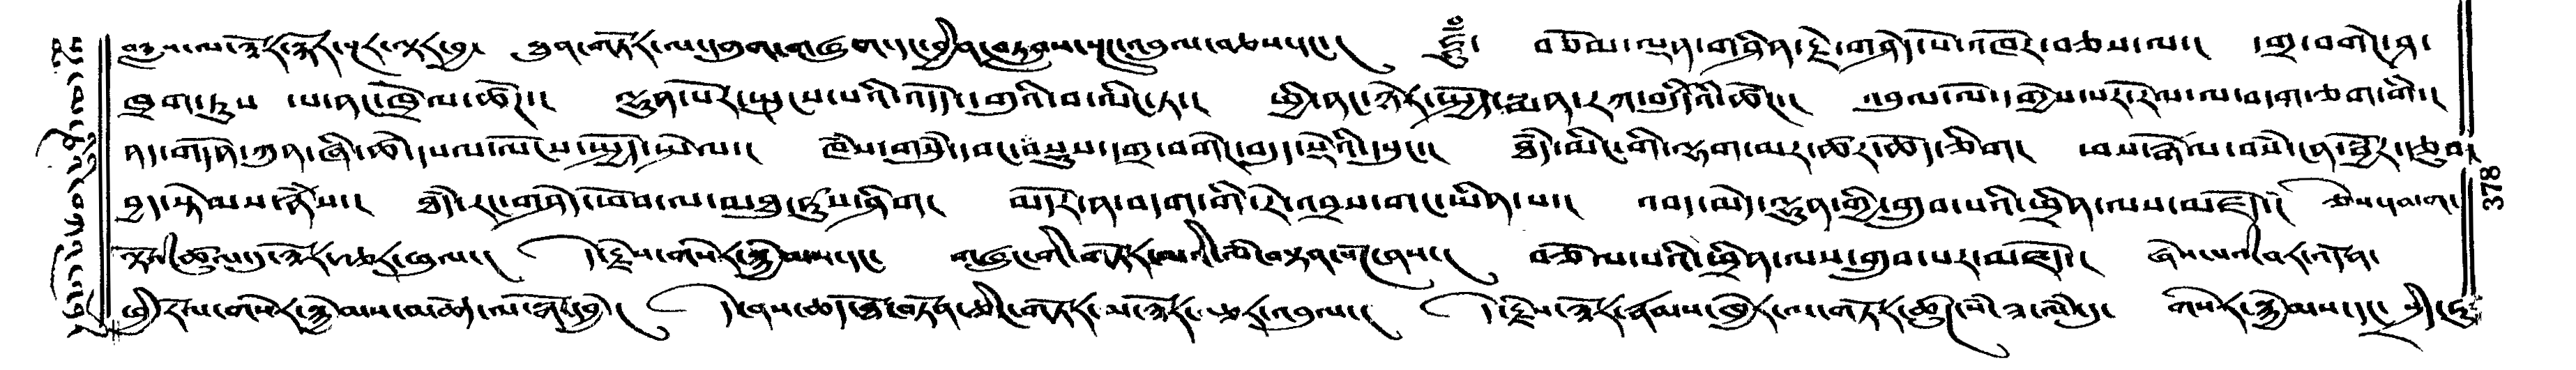བཟླས་ལ་ཟོར་སྐོང་སྔར་ལྟར་བྱ། ཐུན་གཏོར་ལ་དགུག་གཞུག་དང་བྱིན་རླབས་སྔགས་འབུལ་བཅས་དང་། ཧཱུྃ། བཅོམ་ལྡན་གཤིན་རྗེ་གཤེད་པོ་འཁོར་བཅས་ལ། །དགྲ་བགེགས་ཤ་
ཁྲག་རུས་པ་ནང་ཁྲོལ་ཚོགས། །ལྷུན་པོ་སྤུངས་པའི་འདོད་དགུའི་བ་ལིང་ཏ། །ཕྱི་ནང་ཉེར་སྤྱོད་སྨན་རཀ་བདུད་རྩིའི་ཚོགས། །འབུལ་ལོ་དགྱེས་པར་རོལ་ལ་བདག་ཅག་གི་ །
་ནད་གདོན་ཀུན་ཞི་ཚེ་དཔལ་ལོངས་སྤྱོད་སྤེལ། ཁམས་གསུམ་དབང་བསྡུས་དགྲ་བགེགས་བདུད་སྡེའི་དཔུང་། །ཐམས་ཅད་མིང་གི་ལྷག་མར་ཚར་ཆོད་ཅིག།ཕས་རྒོལ་བསམ་ངན་སྦྱོར་རྩུབ་
བྱད་སྟེམས་རྣམས། །ཐམས་རང་གཤེད་ཕོབ་ལ་མཐུ་ནུས་ཤིག །མདོར་ན་བདག་གི་རེ་འབྲས་གང་ཡིན་པ། །འབད་མེད་ལྷུན་གྱི་གྲུབ་པའི་ཕྲིན་ལས་མཛོད། ཅེས་དམག་
ལྟོའི་ཚུལ་དུ་ཟོར་རྩར་ཕུལ། དེ་རྗེས་གསེར་སྐྱེམས་དང་། གཞུང་གི་གཏོར་མའི་ལམ་བསྟན་སོགས་ནས། བཅོལ་པའི་ཕྲིན་ལས་སྒྲུབ་པར་མཛོད། ཞེས་པའི་བར་འདོན། 
ཕྱི་རོལ་དུ་གསེར་སྐྱེམས་མཆོད། སྒོ་དབྱེ། དེ་ནས་ཆད་ཐོ་བཏོན་ཅིང་གཏོར་མ་ཟོར་རྩར་འབུལ། དེ་རྗེས་ཟོར་རྣམས་ཁྱེར་ལ་གཏོར་ཚུགས་སམ་ཟ་ལམ་དུ། གསེར་སྐྱེམས་དང་སྲིད་ཧོའི་རྒྱབ་ཡིག་བཀླག